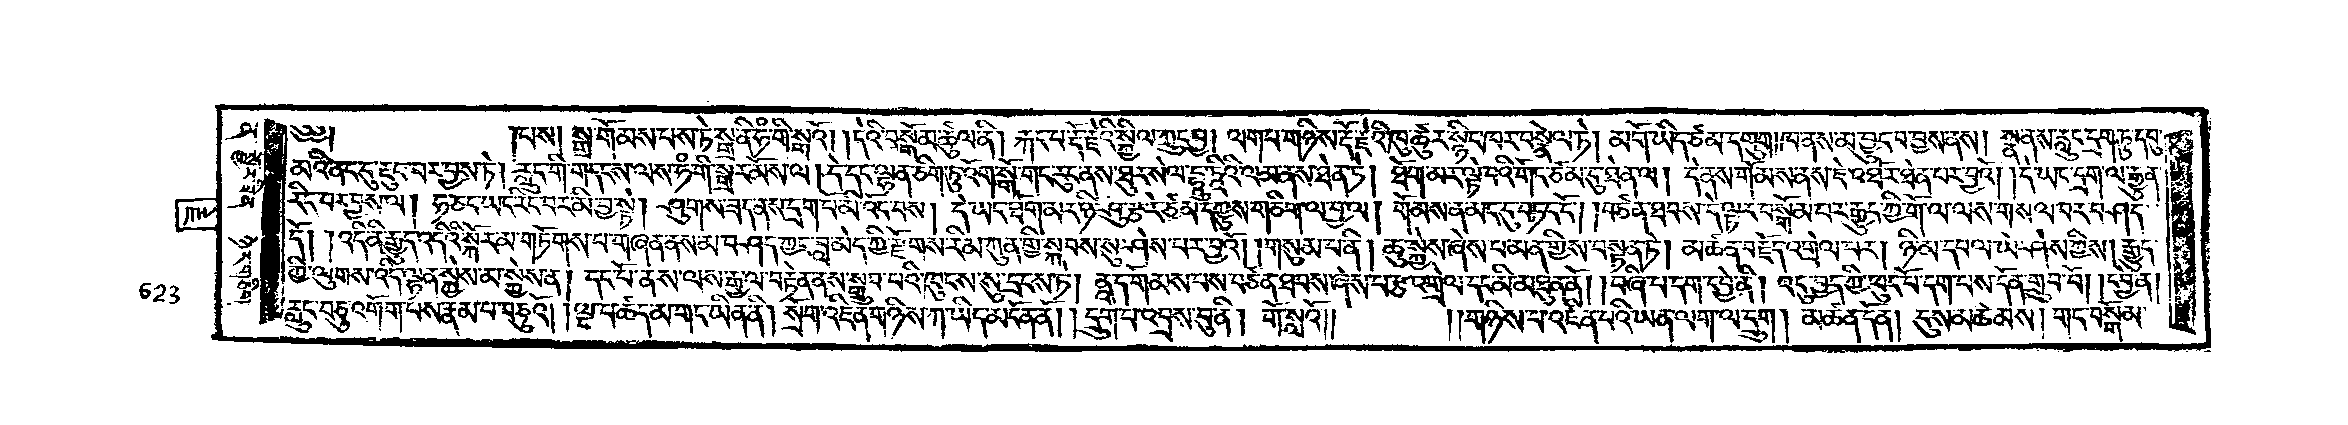༄༅། །པས། སྒྲ་གོམས་པས་ཏེ་སྒྲ་ནི་ཧཾ་གི་སྒོའོ། །དེའི་བསྒོམ་ཚུལ་ནི། རྐང་པ་རྡོ་རྗེའི་སྐྱིལ་ཀྲུང་བྱ། ལག་པ་གཉིས་རྡོ་རྗེའི་ཁུ་ཚུར་སྙིང་ཁར་བསྣོལ་ཏེ། མགོ་ཡིད་ཙམ་དགུག །ཁ་ནས་མ་བྱུང་བ་བྱས་ནས། སྣ་ནས་རླུང་དྲག་ཏུ་དབུ་
མའི་ནང་དུ་རྔུབ་པར་བྱས་ཏེ། རླུང་གི་གདངས་ལས་ཧཾ་གི་སྒྲར་མོས་ལ། དེ་དང་ལྷན་ཅིག་ཏུ་འོག་སྒོ་གང་རུང་ནས་ཐུར་སེལ་དྷཱུ་ཏཱིའི་ལམ་ནས་ཐེན་ཏེ། ཐོག་མར་ལྟེ་བའི་གོང་ཙམ་དུ་ཐེན་ལ། དེ་ནས་གོམས་ནས་ཇེ་འཐོར་ཐེན་པར་བྱའོ། །དེ་ཡང་དྲག་ལ་རྒྱུན་
རིང་བར་བྱས་ལ། ཧ་ཅང་ཡང་རིང་བར་མི་བྱ་སྟེ། ཤུགས་ཟད་ནས་དྲག་པོ་མི་འོང་བས། དེ་ཡང་ཐོག་མར་ཉི་ཤུ་རྩ་རེ་ཙམ་དཀྱུས་གཅིག་ལ་བྱ་ལ། གོམས་ན་མང་དུ་བཏང་ངོ། །བཙན་ཐབས་དེ་ལྟར་བསྒོམ་པར་རྒྱུད་ཀྱི་གོ་ལ་ལས་གསལ་བར་བཤད་
དོ། །འདི་ནི་རྒྱུད་འདིའི་སྐོར་མ་གཏོགས་པ་གཞན་ནས་མ་བཤད་ཀྱང་བླ་མེད་ཀྱི་རྫོགས་རིམ་ཀུན་གྱི་སྐབས་སུ་ཤེས་པར་བྱའོ། །གསུམ་པ་ནི། ཆུ་སྐྱེས་ཞེས་པ་མན་གྱིས་བསྟན་ཏེ། མཚན་བརྗོད་འགྲེལ་པར། ཉི་མ་དཔལ་ཡེ་ཤེས་ཀྱིས། རྒྱུད་
ཀྱི་ལུགས་འདི་ལྷན་སྐྱེས་མ་སྐྱེས་ན། དང་པོ་ནས་ལས་རྒྱ་ལ་བརྟེན་ནས་སྒྲུབ་པའི་ཁུངས་སུ་དྲངས་ཏེ། ནཱ་ད་གོམས་པས་བཙན་ཐབས་ཞེས་པ་རྩ་འགྲེལ་དང་མི་མཐུན་ནོ། །བཞི་པ་དག་དབྱེ་ནི། འདུ་བྱེད་ཀྱི་ཕུང་པོ་དག་པས་དོན་གྲུབ་བོ། །དབྱེ་ན།
རླུང་བཅུ་འགོག་པས་རྣམ་པ་བཅུའོ། །ལྔ་པ་ཚད་མ་གང་ཡིན་ནི། སྲོག་འཛིན་གཉིས་ཀ་ཡིད་མངོན་ནོ། །དྲུག་པ་འབྲས་བུ་ནི། གོ་སླའོ།། །།གཉིས་པ་འཛིན་པའི་ཡན་ལག་ལ་དྲུག །མཚན་དོན། དུས་མཚམས། གང་བསྒོམ་